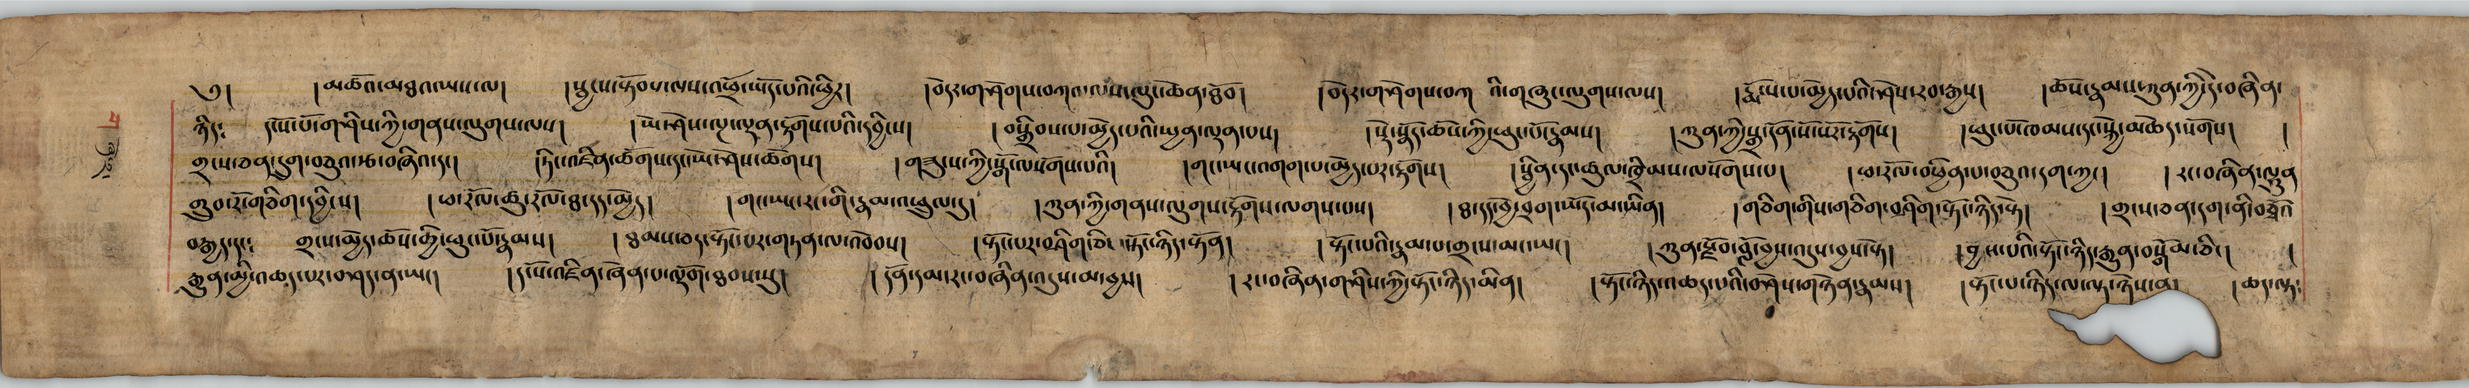༅། །མཚོའ་མཐའ་ཡས་ལ། །སྦྱངས་སྟོབས་ལས་འཕྲོ་ཡོད་པའི་ཕྱིར། །བདེར་གཤེགས་བཀའ་ལས་ལུང་ཆེན་ཐོབ། །བདེར་གཤེགས་བཀ འི་གཞུང་ལུགས་ལས། །རྨོངས་པ་མྱེད་པའི་ཤེས་རབ་རྒྱས། །ཆོས་རྣམས་ཀུན་ཀྱི་དེ་བཞིན་
ཉིད༴ དངོས་པོ་གཤིས་ཀྱི་གནས་ལུགས་ལས། །ཡེ་ཤེས་ལྔ་ལྡན་རྟོགས་པའི་དབྱིངས། །བསྒྲིབས་པ་མྱེད་པའི་སྤྱན་ལྡན་པས། །སྡེ་སྣོད་ཆོས་ཀྱི་ཕུང་པོ་རྣམས། །ཀུན་ཀྱི་སྒྲ་དོན་སོ་སོར་རྟོགས། ཕུང་པོ་ཁམས་སང་སྐྱེ་མཆེད་སོགས།
གྲངས་ཅན་དྲུག་བཅུའ་རྩ་བཞིའ་དང། །ཏིང་འཛིན་ཚོགས་སང་ཡེ་ཤེས་ཚོགས། །གཟུངས་ཀྱི་སྒོ་ལསོགས་པའི། །གང་ཡང་འགག་པ་མྱེད་པར་རྟོགས། །སྦྱིན་དང་ཚུལ་ཁྲིམས་ལསོགས་པ། །ཕ་རོལ་བཕྱིན་པ་བཅུའ་དག་ཀྱང། ། རང་བཞིན་ལྷུན
གྲུབ་རོ་གཅིག་དབྱིངས། །ཕ་རོལ་ཚུ་རོལ་ཐ་དད་མྱེད། །གང་ཡང་རང་གི་རྣམས་འཕྲུལ་དུ། །ཀུན་ཀྱི་གནས་ལུགས་རྟོགས་ལགས་པས། །ཐ་དད་བྱེ་བྲག་ཡོད་མ་ཡིན། །གཅིག་གིས་གཅིག་བཤིག་སྟོང་ཉིད་སྟེ། །གྲངས་ཅན་དག་ནི་བཅྭོའ
བརྒྱད་དང༴ གྲངས་མྱེད་ཆོས་གྱི་ཕུང་པོ་རྣམས། །ཐམས་ཅད་སྟོང་པར་གཏན་ལ་འབེབས། །སྟོང་པར་བཤཱིག་ཅིང་སྟོང་ཉིད་སྟོན། །སྟོན་པའི་རྣམ་པ་གྲངས་མང་ཡང། །ཀུན་སྫོབ་བློ་བྱས་འདུས་བྱས་སྟེ། །བྱས་པའི་སྟོང་ཉིད་རྒྱུན་བསྒོམ་ཅིང།
རྒྱུན་མྱི་འཆད་པར་བཤད་ན་ཡང། །དངོས་འཛིན་ཞེན་པ་ལྡོག་ཐབས་སུ། །དོན་དམ་རང་བཞིན་འདུས་མ་བྱས། །རང་བཞིན་གཤིས་ཀྱི་སྟོང་ཉིད་མིན། །སྟོང་ཉིད་འཆད་པའི་བཤེས་གཉེན་རྣམས། །སྟོང་པ་ཉིད་ལ་ལྟ་ཉེས་ན། །ཆད་ལྟ་